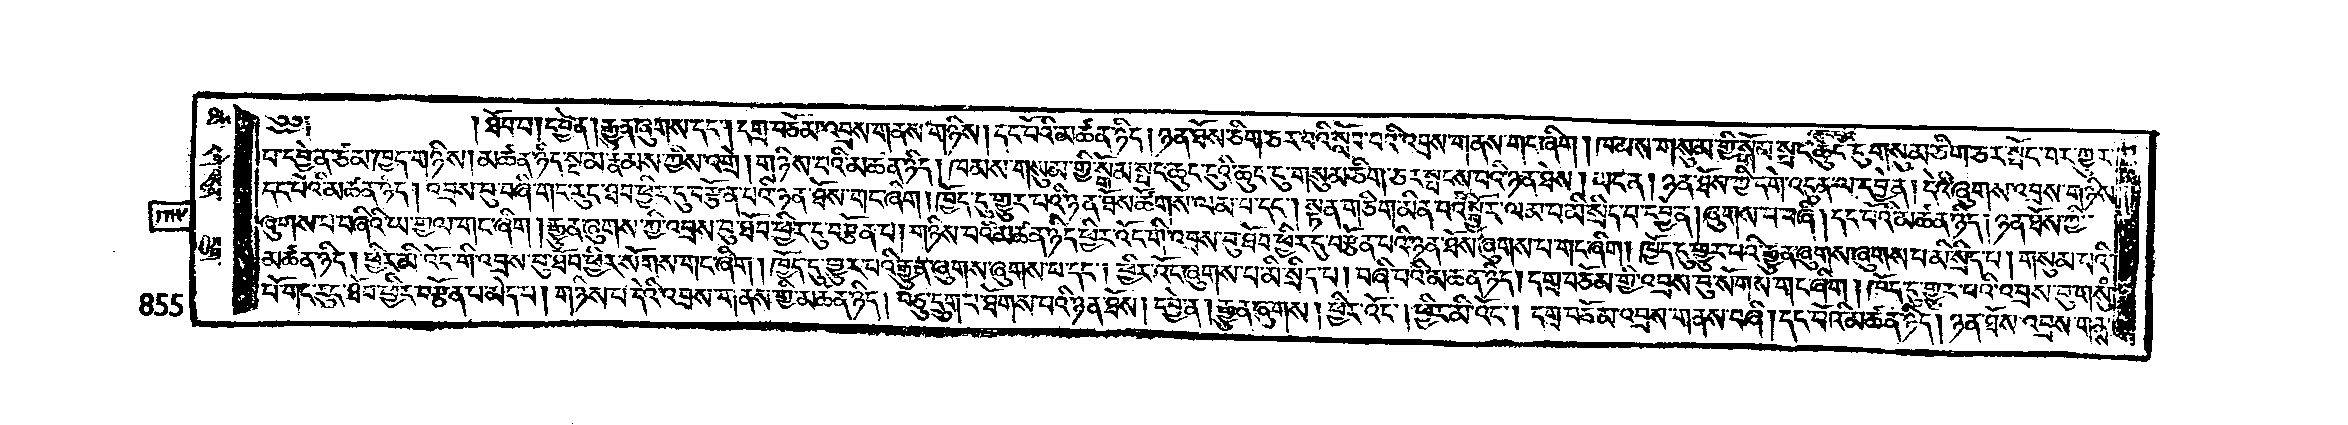༄༅། །ཐོབ་པ། དབྱེ་ན། རྒྱུན་ཞུགས་དང་། དགྲ་བཅོམ་འབྲས་གནས་གཉིས། དང་པོའི་མཚན་ཉིད། ཉན་ཐོས་ཅིག་ཅར་བའི་སློབ་པའི་འབྲས་གནས་གང་ཞིག །ཁམས་གསུམ་གྱི་སྒོམ་སྤང་ཆུང་ངུའི་ཆུང་ངུ་གསུམ་ཅིག་ཅར་སྤོང་བར་གྱུར་
པ་དབྱེ་ན་ཙམ་ཁྱད་གཉིས། མཚན་ཉིད་སྔ་མ་རྣམས་ཀྱིས་འགྲེ། གཉིས་པའི་མཚན་ཉིད། ཁམས་གསུམ་གྱི་སྒོམ་སྤང་ཆུང་ངུའི་ཆུང་ངུ་གསུམ་ཅིག་ཅར་སྤངས་པའི་ཉན་ཐོས། ཡང་ན། ཉན་ཐོས་ཀྱི་དགེ་འདུན་ལ་དབྱེ་ན། དེའི་ཞུགས་འབྲས་གཉིས།
དང་པོའི་མཚན་ཉིད། འབྲས་བུ་བཞི་གང་རུང་ཐོབ་ཕྱིར་དུ་བརྩོན་པའི་ཉན་ཐོས་གང་ཞིག །ཁྱོད་དུ་གྱུར་པའི་ཉན་ཐོས་ཚོགས་ལམ་པ་དང་། སྟན་གཅིག་མིན་པའི་སྦྱོར་ལམ་པ་མི་སྲིད་པ་དབྱེ་ན། ཞུགས་པ་བཞི། དང་པོའི་མཚན་ཉིད། ཉན་ཐོས་ཀྱི་
ཞུགས་པ་བཞིའི་ཡ་གྱལ་གང་ཞིག །རྒྱུན་ཞུགས་ཀྱི་འབྲས་བུ་ཐོབ་ཕྱིར་དུ་བརྩོན་པ། གཉིས་པའི་མཚན་ཉིད་ཕྱིར་འོང་གི་འབྲས་བུ་ཐོབ་ཕྱིར་དུ་བརྩོན་པའི་ཉན་ཐོས་ཞུགས་པ་གང་ཞིག །ཁྱོད་དུ་གྱུར་པའི་རྒྱུན་ཞུགས་ཞུགས་པ་མི་སྲིད་པ། གསུམ་པའི་
མཚན་ཉིད། ཕྱིར་མི་འོང་གི་འབྲས་བུ་ཐོབ་ཕྱིར་སོགས་གང་ཞིག །ཁྱོད་དུ་གྱུར་པའི་རྒྱུན་ཞུགས་ཞུགས་པ་དང་། ཕྱིར་འོང་ཞུགས་པ་མི་སྲིད་པ། བཞི་པའི་མཚན་ཉིད། དགྲ་བཅོམ་གྱི་འབྲས་བུ་སོགས་གང་ཞིག །ཁྱོད་དུ་གྱུར་པའི་འབྲས་བུ་གསུམ་
པོ་གང་རུང་ཐོབ་ཕྱིར་བརྩོན་པ་མེད་པ། གཉིས་པ་དེའི་འབྲས་གནས་གྱི་མཚན་ཉིད། བཅུ་དྲུག་པ་ཐོགས་པའི་ཉན་ཐོས། དབྱེ་ན། རྒྱུན་ཞུགས། ཕྱིར་འོང་། ཕྱིར་མི་འོང་། དགྲ་བཅོམ་འབྲས་གནས་བཞི། དང་པོའི་མཚན་ཉིད། ཉན་ཐོས་འབྲས་གནས་